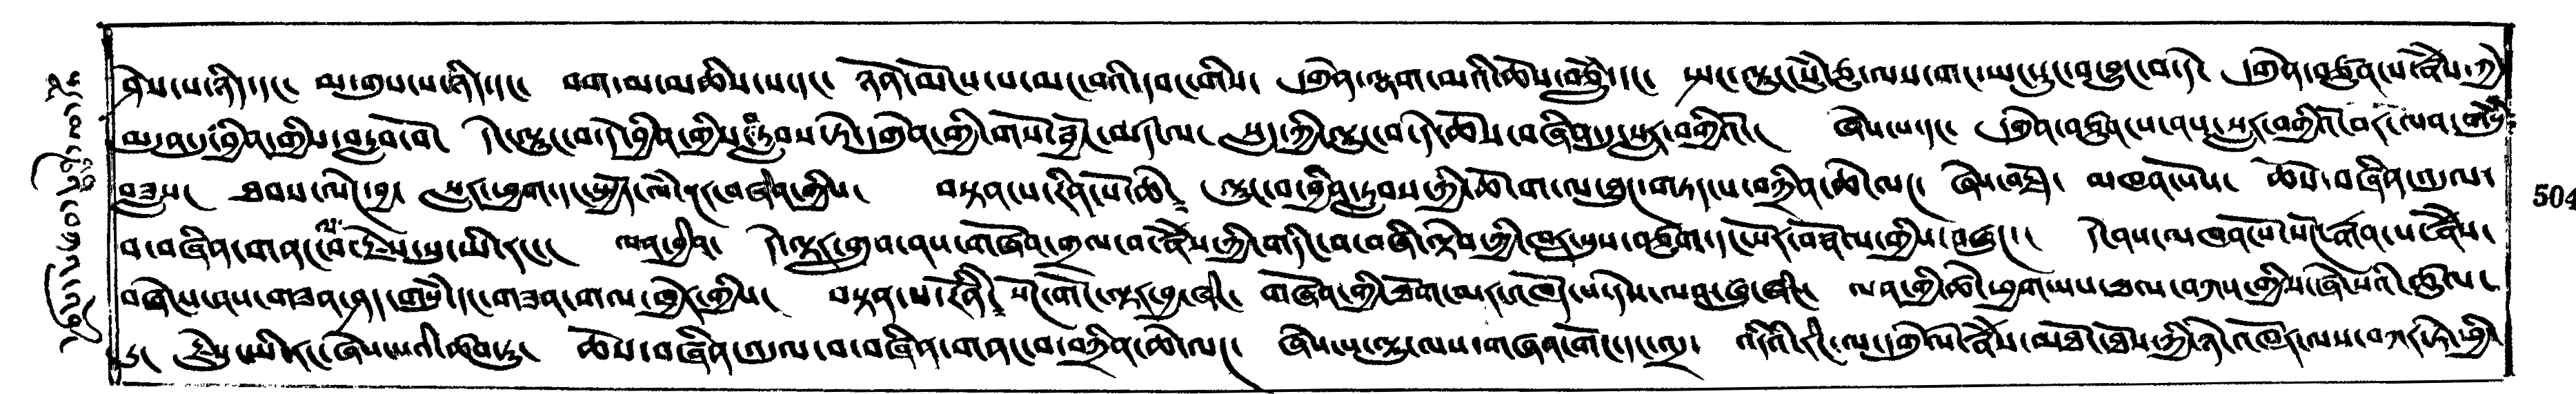ཤེས་པ་ཉིད་དང་། མ་གུས་པ་ཉིད་དང་། བག་མ་མཆིས་པ་དང་། ཉོན་མོངས་པ་མང་བའི་དབང་གིས། དགེ་འདུན་ལྷག་མའི་ཆོས་བཅུ་གསུམ་དང་། སྤང་ལྟུང་སུམ་ཅུ་ལས་གང་ཡང་རུང་བ་བྱུང་བ་དེ། དགེ་འདུན་བཙུན་པ་རྣམས་ཀྱི་
མདུན་དུ་བྱིན་གྱིས་བརླབ་བོ།། དེང་ལྟུང་བ་དེ་བྱིན་གྱིས་བརླབས་ཏེ་དགེ་འདུན་གྱིས་གསོ་སྦྱོང་མཛད་ལ། སླད་ཀྱི་ལྟུང་བ་དེ་ཆོས་བཞིན་དུ་སླར་བགྱིའོ།། ཞེས་པ་དང་། དགེ་འདུན་བཙུན་པ་ནས་སླར་བགྱིའོ་བར་ལན་གསུམ་
བཟླས། ཐབས་ལེགས་བྱ། སླར་ཕྱག་དང་སྤྱོད་ལམ་སྔར་བཞིན་གྱིས། བསྟན་པ་རིན་པོ་ཆེ༴ ལྟུང་བ་བྱིན་བརླབས་ཀྱི་ཆོ་ག་ལ་ཐུགས་གཏད་པ་བཀའ་དྲིན་ཆེ་ལགས། ཞེས་བརྗོད། མཁན་པོས། ཆོས་བཞིན་འདུལ་
བ་བཞིན་གནང་བ་ལ་རྗེས་སུ་ཡི་རང་། ལན་བྱིན། དེ་ལྟར་གྲུབ་ནས་གཞོན་གྲལ་བ་རྣམས་ཀྱི་གདིང་བ་བཞི་ལྟེབ་ཀྱི་ཁར་པུས་བཙུག་དང་སོར་བསྣོལ་གྱིས་བཞུགས། དེ་ནས་མཁན་པོ་སོགས་རྒན་པ་རྣམས་
བཞེངས་ནས་གཟན་ཤད་གསུམ་དང་གཟན་གལ་ཁྱེར་གྱིས། བསྟན་པ་རིན་པོ་ཆེ་སོགས་གོང་ལྟར་བྱ་ཞིང་། གཞོན་གྱི་ཐོག་མར་འཁོད་པ་དེས་ལན་ཞུ་ཞིང་། ལན་གྱི་ཚེ་ཕྱག་གཡས་ཐལ་བཀས་གྱིས་ཞེ་སའི་ཚུལ་
དུ། རྗེས་སུ་ཡི་རང་ཞེས་པའི་ཚབ་ཏུ། ཆོས་བཞིན་འདུལ་བ་བཞིན་གནང་བ་བཀའ་དྲིན་ཆེ་ལགས། ཞེས་པ་ལྟ་བུ་ལས་གཞན་གོང་དང་འདྲ། འདིའི་རིང་ལ་དགེ་ཚུལ་རྣམས་མཐོང་ཐོས་ཀྱི་ཉེ་འཁོར་ལས་བཀར་ཏེ་ཕྱི་